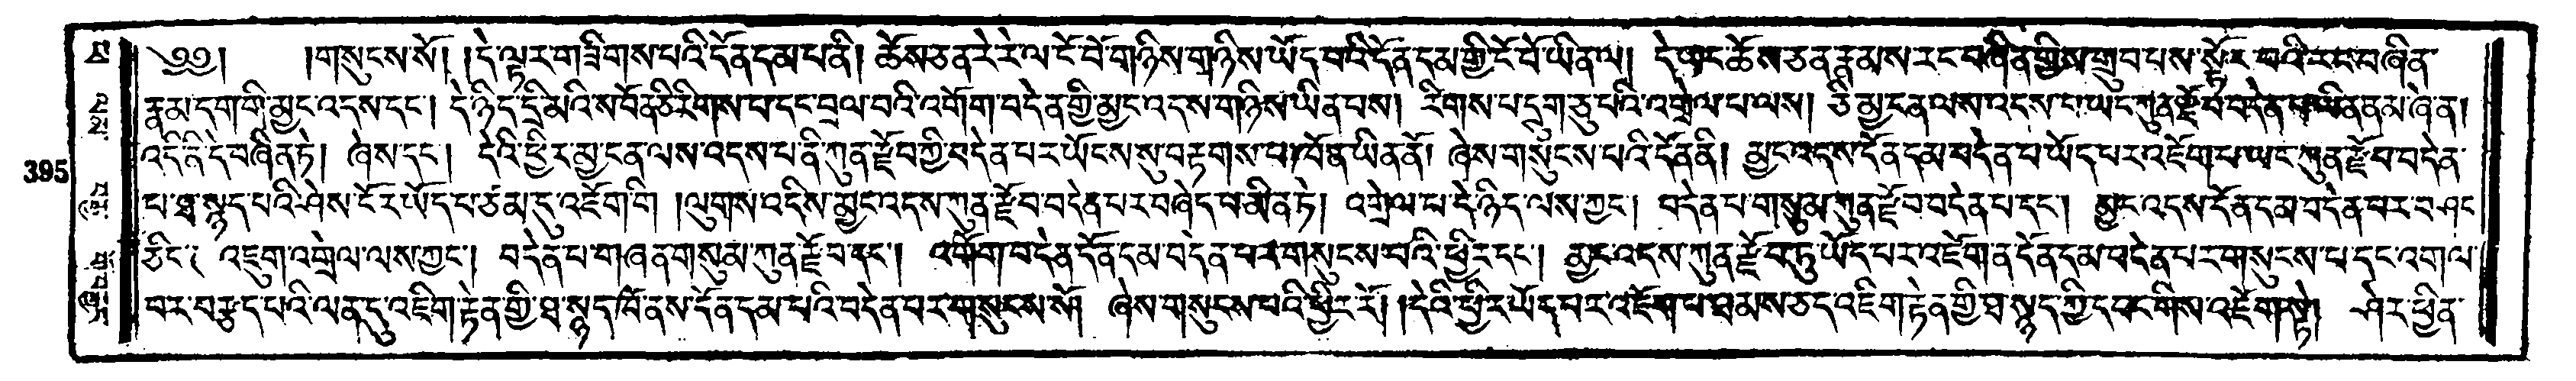༄༅། །གསུངས་སོ། །དེ་ལྟར་གཟིགས་པའི་དོན་དམ་པ་ནི། ཆོས་ཅན་རེ་རེ་ལ་ངོ་བོ་གཉིས་གཉིས་ཡོད་བའི་དོན་དམ་གྱི་ངོ་བོ་ཡིན་ལ། དེ་ཡང་ཆོས་ཅན་རྣམས་རང་བཞིན་གྱིས་གྲུབ་པས་སྟོར་བའི་རང་བཞིན་
རྣམ་དག་གི་མྱང་འདས་དང་། དེ་ཉིད་དྲི་མའི་ས་བོན་ཅི་རིགས་པ་དང་བྲལ་བའི་འགོག་བདེན་གྱི་མྱང་འདས་གཉིས་ཡིན་པས། རིགས་པ་དྲུག་ཅུ་པའི་འགྲེལ་པ་ལས། ཅི་མྱ་ངན་ལས་འདས་པ་ཡང་ཀུན་རྫོབ་བདེན་པ་ཡིན་ནམ་ཞེ་ན།
འདི་ནི་དེ་བཞིན་ཏེ། ཞེས་དང་། དེའི་ཕྱིར་མྱ་ངན་ལས་འདས་པ་ནི་ཀུན་རྫོབ་ཀྱི་བདེན་པར་ཡོངས་སུ་བརྟགས་པ་ཁོ་ན་ཡིན་ནོ། ཞེས་གསུངས་པའི་དོན་ནི། མྱང་འདས་དོན་དམ་བདེན་པ་ཡོད་པར་འཇོག་པ་ཡང་ཀུན་རྫོབ་བདེན་
པ་ཐ་སྙད་པའི་ཤེས་ངོར་ཡོད་པ་ཙམ་དུ་འཇོག་གི །ལུགས་འདིས་མྱང་འདས་ཀུན་རྫོབ་བདེན་པར་བཞེད་པ་མིན་ཏེ། འགྲེལ་པ་དེ་ཉིད་ལས་ཀྱང་། བདེན་པ་གསུམ་ཀུན་རྫོབ་བདེན་པ་དང་། མྱང་འདས་དོན་དམ་བདེན་པར་བཤང་
ཅིང༑ འཇུག་འགྲེལ་ལས་ཀྱང་། བདེན་པ་གཞན་གསུམ་ཀུན་རྫོབ་དང་། འགོག་བདེན་དོན་དམ་བདེན་པར་གསུངས་པའི་ཕྱིར་དང་། མྱང་འདས་ཀུན་རྫོབ་ཏུ་ཡོད་པར་འཇོག་ན་དོན་དམ་བདེན་པར་གསུངས་པ་དང་འགལ་
བར་བརྩད་པའི་ལན་དུ་འཇིག་རྟེན་གྱི་ཐ་སྙད་ཁོ་ནས་དོན་དམ་པའི་བདེན་བར་གསུངས་སོ། ཞེས་གསུངས་པའི་ཕྱིར་རོ། །དེའི་ཕྱིར་ཡོད་པར་འཇོག་པ་ཐམས་ཅད་འཇིག་རྟེན་གྱི་ཐ་སྙད་ཀྱི་དབང་གིས་འཇོག་སྟེ། ཤེར་ཕྱིན་